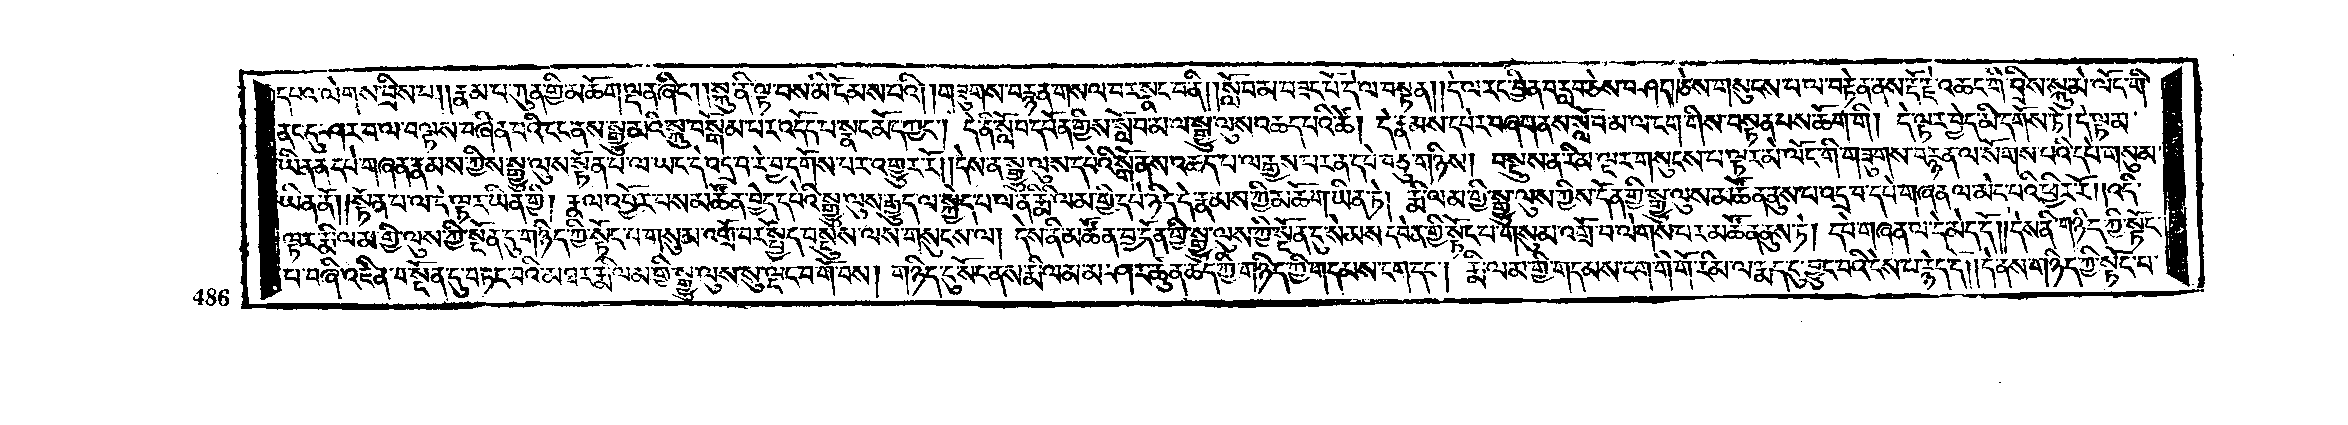དཔའ་ལེགས་བྲིས་པ། །རྣམ་པ་ཀུན་གྱི་མཆོག་ལྡན་ཞིང་། །སྐུ་ནི་ལྟ་བས་མི་ངོམས་པའི། །གཟུགས་བརྙན་གསལ་བར་སྣང་བ་ནི། །སློབ་མ་བཟང་པོ་དེ་ལ་བསྟན། །དེ་ལ་རང་བྱིན་བརླབ་ཅེས་བཤད། །ཅེས་གསུངས་པ་ལ་བརྟེན་ནས་རྡོ་རྗེ་འཆང་གི་བྲིས་སྐུ་མེ་ལོང་གི་
ནང་དུ་ཤར་བ་ལ་བལྟས་བཞིན་པའི་ངང་ནས་སྒྱུ་མའི་སྐུ་བསྒོམ་པར་འདོད་པ་སྣང་མོད་ཀྱང་། དེ་ནི་སློབ་དཔོན་གྱིས་སློབ་མ་ལ་སྒྱུ་ལུས་འཆད་པའི་ཚེ། དེ་རྣམས་དཔེར་བཞག་ནས་སློབ་མ་ལ་ངག་གིས་བསྟན་པས་ཆོག་གི །དེ་ལྟར་བྱེད་མི་དགོས་ཏེ། དེ་ལྟ་མ་
ཡིན་ན་དཔེ་གཞན་རྣམས་ཀྱིས་སྒྱུ་ལུས་སྟོན་པ་ལ་ཡང་དེ་འདྲ་བ་རེ་བྱ་དགོས་པར་འགྱུར་རོ། །དེས་ན་སྒྱུ་ལུས་དཔེའི་སྒོ་ནས་འཆད་པ་ལ་རྒྱས་པར་ན་དཔེ་བཅུ་གཉིས། བསྡུས་ན་རིམ་ལྔར་གསུངས་པ་ལྟར་མེ་ལོང་གི་གཟུགས་བརྙན་ལ་སོགས་པའི་དཔེ་གསུམ་
ཡིན་ནོ། །སྟོན་པ་ལ་དེ་ལྟར་ཡིན་གྱི། རྣལ་འབྱོར་པས་མཚོན་བྱེད་དཔེའི་སྒྱུ་ལུས་རྒྱུད་ལ་སྐྱེད་པ་ལ་ནི་རྨི་ལམ་གྱི་དཔེ་ཉིད་དེ་རྣམས་ཀྱི་མཆོག་ཡིན་ཏེ། རྨི་ལམ་གྱི་སྒྱུ་ལུས་ཀྱིས་དོན་གྱི་སྒྱུ་ལུས་མཚོན་ནུས་པ་འདྲ་བ་དཔེ་གཞན་ལ་མེད་པའི་ཕྱིར་རོ། །འདི་
ལྟར་རྨི་ལམ་གྱི་ལུས་ཀྱི་སྔོན་དུ་གཉིད་ཀྱི་སྟོང་པ་གསུམ་འགྲོ་བར་སྤྱོད་བསྡུས་ལས་གསུངས་ལ། དེས་ནི་མཚོན་བྱ་དོན་གྱི་སྒྱུ་ལུས་ཀྱི་སྔོན་དུ་སེམས་དབེན་གྱི་སྟོང་པ་གསུམ་འགྲོ་བ་ལེགས་པར་མཚོན་ནུས་ཏེ། དཔེ་གཞན་ལ་དེ་མེད་དོ། །དེས་ནི་གཉིད་ཀྱི་སྟོང་
པ་བཞི་འཛིན་པ་སྔོན་དུ་བཏང་བའི་མཐར་རྨི་ལམ་གྱི་སྒྱུ་ལུས་སུ་ལྡང་བ་གོ་བས། གཉིད་དུ་སོང་ནས་རྨི་ལམ་མ་ཤར་ཚུན་ཆད་ཀྱི་གཉིད་ཀྱི་གདམས་ངག་དང་། རྨི་ལམ་གྱི་གདམས་ངག་གི་གོ་རིམ་ལ་རྨད་དུ་བྱུང་བའི་ངེས་པ་རྙེད་དོ། །དེ་ནས་གཉིད་ཀྱི་སྟོང་པ་